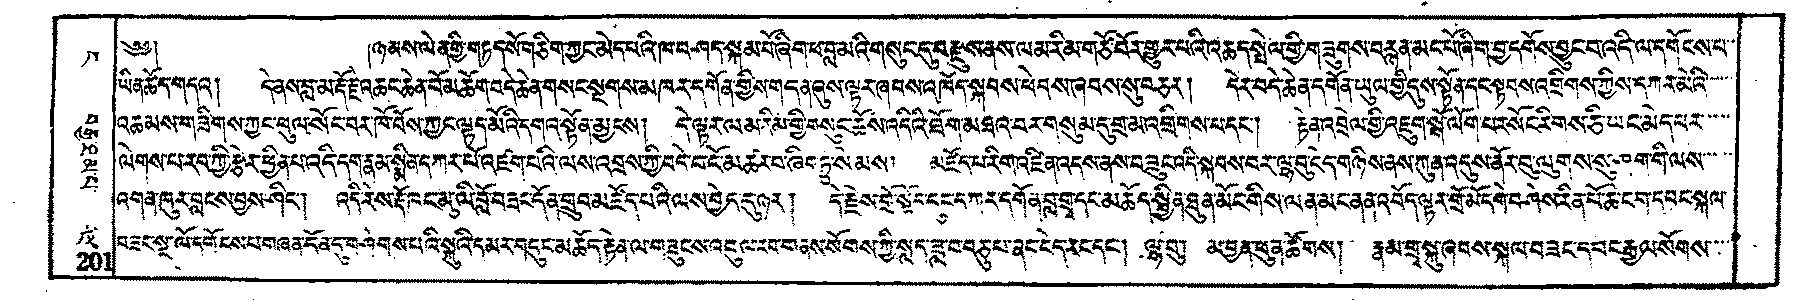༄༅། །ཉམས་ལེན་གྱི་གཏད་སོ་གཅིག་ཀྱང་མེད་པའི་ཁ་བཤད་སྐམ་པོ་ཞིག་ཕ་བླ་མའི་གསུང་དུ་བརྫུས་ནས་ལམ་རིམ་གཙོ་བོར་གྱུར་པའི་འཆད་སྤེལ་གྱི་གཟུགས་བརྙན་མང་པོ་ཞིག་བྱ་དགོས་བྱུང་བ་འདི་ལ་དགོངས་པ་
ཡིན་ཚོད་གདའ། དེ་ནས་བླ་མ་རྡོ་རྗེ་འཆང་ཆེན་པོ་མཆོག་བདེ་ཆེན་གསང་སྔགས་མཁར་དགོན་གྱིས་གདན་ཞུས་ལྟར་ཞབས་འཁོད་སྐབས་ཕེབས་ཞབས་སུ་བཅར། དེར་བདེ་ཆེན་དགོན་ཡུལ་གྱི་དུས་སྟོན་དང་སྟབས་འགྲིགས་ཀྱིས་དཀར་མེའི་
འཆམས་གཟིགས་ཀྱང་ཕུལ་སོང་བར་ཁོ་བོས་ཀྱང་ལྟད་མོའི་དགའ་སྟོན་མྱངས། དེ་ལྟར་ལམ་རིམ་གྱི་གསུང་ཆོས་འདིའི་ཐོག་མཐའ་བར་གསུམ་དུ་གྲ་མ་འགྲིགས་པ་དང་། རྟེན་འབྲེལ་གྱི་འཇུག་སྒོ་ལོག་པར་སོང་རིགས་ཅི་ཡང་མེད་པར་
ལེགས་པ་རབ་ཀྱི་རྩེར་ཕྱིན་པ་འདི་དག་རྣམ་སྨིན་དཀར་པོ་འཛག་པའི་ལས་འབྲས་ཀྱི་བདེ་བ་ངོ་མཚར་བ་ཞིག་ཏུ་སེམས། མཛོད་པ་རིག་འཛིན་འདས་ནས་བཟུང་འདི་སྐབས་བར་ལྷ་བུ་ངེད་གཉིས་ནས་ཀུན་འདུས་ནོར་བུ་ལུགས་སུ་ཤག་གི་ལས་
འགན་ཁུར་བླངས་བྱས་ཤིང་། འདི་རེས་རྡོ་ཁང་མུ་ལི་བློ་བཟང་དོན་གྲུབ་མཛོད་པའི་ལས་བྱེད་དུ་ཉར། དེ་རྗེས་གྲོ་སྟོད་དུང་དཀར་དགོན་བླ་གྲྭ་དང་མཆོད་སྦྱིན་ཐུན་མོང་གིས་ལན་མང་འབོད་ལྟར་གྲོ་མོ་དགེ་བཤེས་རིན་པོ་ཆེ་ངག་དབང་སྐལ་
བཟང་སྔ་ལོ་དགོངས་པ་གཞན་དོན་དུ་གཤེགས་པའི་སྐུའི་དམར་གདུང་མཆོད་རྟེན་ལ་གཟུངས་འབུལ་རབ་གནས་སོགས་ཀྱི་སླད་ཟླ་བ་བཅུ་པ་ནང་ངེད་རང་དང་། ལྷ་བུ། མ་བྱན་ཕུན་ཚོགས། རྣམ་གྲྭ་སྐུ་ཞབས་སྐལ་བཟང་དབང་རྒྱལ་སོགས་